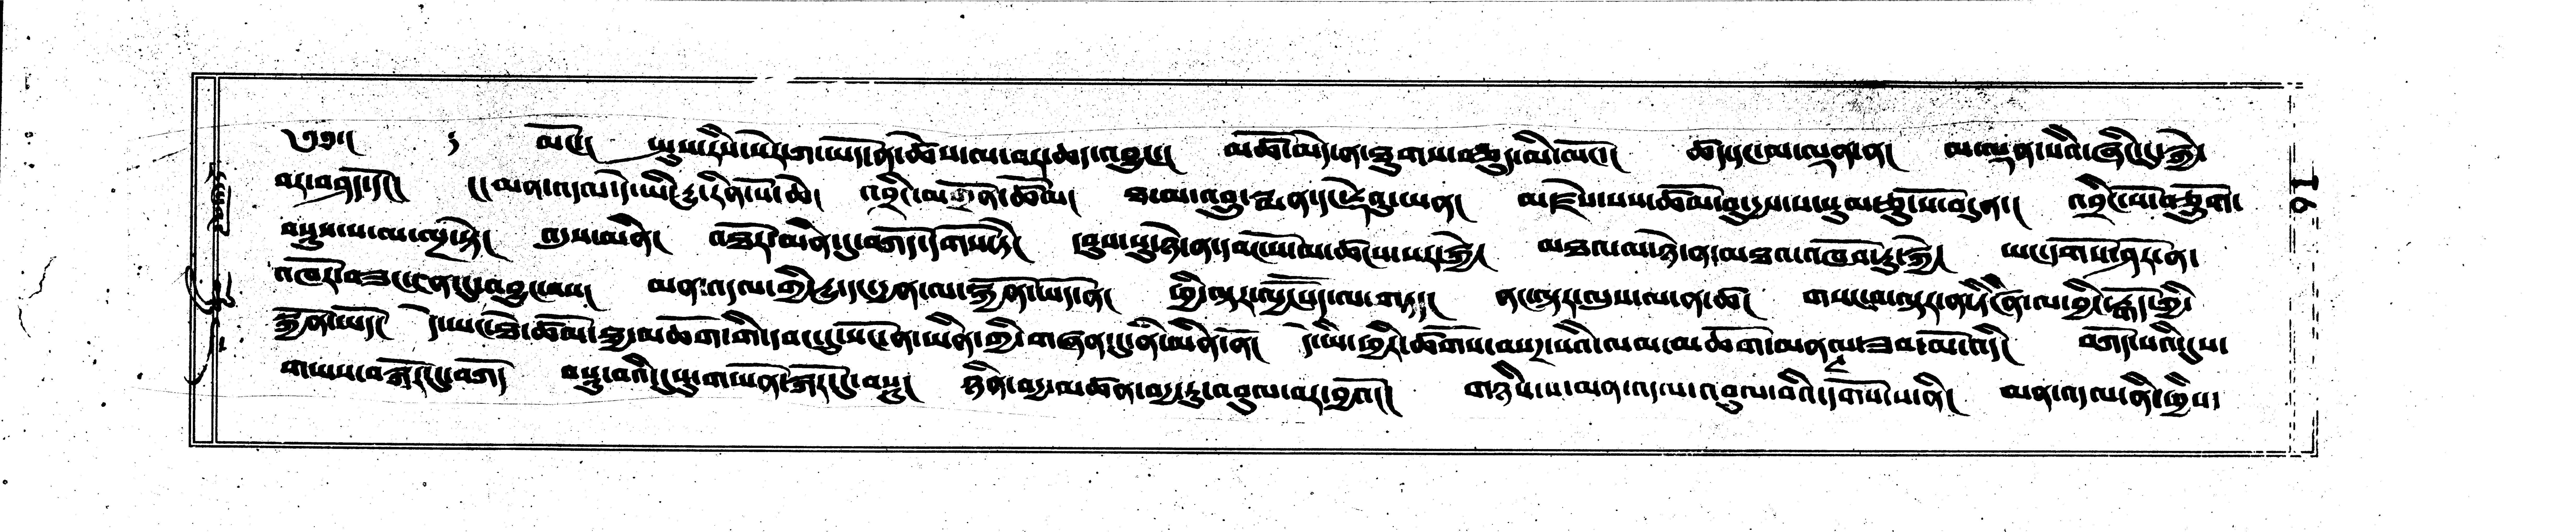མང་། སྤུ་རིས་སེར་ཁ་ཡོད་ན་ཚེ་ལ་བར་ཆད་འབྱུང་། མཚོ་མེད་ན་ཐུགས་བཅུད་མི་ལོང་། ཚད་དང་མ་ལྡན་ན་མ་དག་པའི་ཞིང་དུ་སྐྱེ་
བར་བཤད་དོ། །མཎྜལ་དེའི་རྒྱུ་ནི་རིན་པོ་ཆེ། འབྲིང་མགྲོན་ཚོམ། ཐ་མ་འབྲུ་སྨན་དང་ལྡེའུ་ཡན་ཆད། མཛེས་པས་ཚོམ་བུ་རྒྱས་པ་སུམ་ཅུ་སོ་བདུན། འབྲིང་པོ་བཅུ་དྲུག 
བསྡུས་པ་ལ་ལྔ་སྟེ། འདུས་མིན་འཐོར་མིན་དུ་དགོད་དགོས་ཏེ། དབུས་སུ་ཉེ་ན་དབང་པོ་མ་ཚང་བར་སྐྱེ། མཐའ་ལ་ཉེ་ན་མཐའ་འཁོབ་ཏུ་སྐྱེ། ཡངས་དོག་ཤོར་ན་
འཁོར་བཟང་ངན་དུ་འབྱུང་བས། མཎྜལ་གྱི་རྒྱུ་དང་རྒྱན་ལ་སྐྱོན་ཡོད་ན། ཕྱི་ལྟར་ལོངས་སྤྱོད་ལ་གཏད། ནང་ལྟར་ལུས་ལ་ན་ཚ། གསང་བ་ལྟར་ན་ཏིང་འཛིན་ལ་བྱིང་རྒོད་ཀྱི་
སྐྱོན་ཡོད། དེ་ཡང་ཐེ་ཚོམ་ཐུགས་མཆོག་གི་དབང་དུ་སོང་ན་ཡིན་གྱི་གཞན་དུ་ན་མིན་ནོ། །དེ་ཡི་ཕྱིར་ཚོགས་བསགས་པའི་ལམ་མཆོག་མཎྜལ་ཟབ་མོ་འདི། བཀོད་པའི་དུས་
གཡས་བསྐོར་དུ་བཀོད། བསྡུ་བའི་དུས་སུ་གཡོན་སྐོར་དུ་བསྡུ། ཉིན་བརྒྱ་མཚན་བརྒྱ་རུ་འབུལ་བར་བྱའོ། །གཉིས་པ་མཎྜལ་འབུལ་བའི་དགོས་པ་ནི། མན་འདལ་ནི་ཕྱིས་